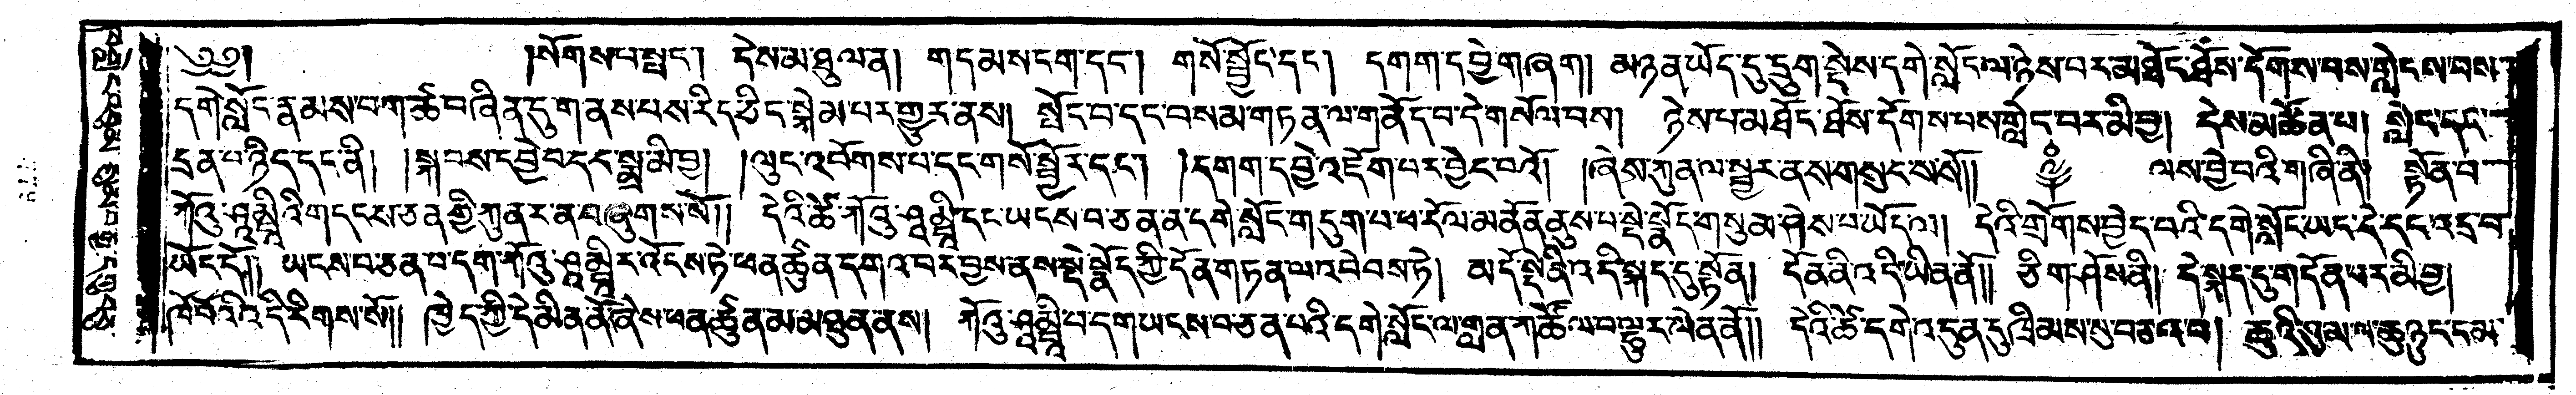༄༅། །སོགས་པ་སྤང་། དེས་མ་ཐུལ་ན། གདམས་ངག་དང་། གསོ་སྦྱོང་དང་། དགག་དབྱེ་གཞག། མཉན་ཡོད་དུ་དྲུག་སྡེས་དགེ་སློང་ལ་ཉེས་པར་མཐོང་ཐོས་དོགས་པས་གླེངས་བས་
དགེ་སློང་རྣམས་བག་ཚ་བཞིན་དུ་གནས་པས་རིད་ཅིང་སྐེམ་པར་གྱུར་ནས། སྤོང་བ་དང་བསམ་གཏན་ལ་གནོད་པ་དེ་གསོལ་བས། ཉེས་པ་མཐོང་ཐོས་དོགས་པས་གླེང་བར་མི་བྱ། དེས་མཚོན་པ། སླེང་དང་
དྲན་པ་ཉིད་དང་ནི། །སྐབས་དབྱེ་བ་དང་སྨྲ་མི་བྱ། །ལུང་འབོགས་པ་དང་གསོ་སྦྱོར་དང་། །དགག་དབྱེ་འཇོག་པར་བྱེད་པའོ། །ཞེས་ཀུན་ལ་སྦྱར་ནས་གསུངས་སོ།། ༈ ལས་བྱེ་བའི་གཞི་ནི། སྟོན་པ་
ཀོའུ་ཤཱམྦཱིའི་གདངས་ཅན་གྱི་ཀུན་ར་ན་བཞུགས་སོ།། དེའི་ཚེ་ཀོའུ་ཤཱམྦཱི་དང་ཡངས་པ་ཅན་ན་དགེ་སློང་གདུག་པ་ཕ་རོལ་མནོན་ནུས་པ་སྡེ་སྣོད་གསུམ་ཤེས་པ་ཡོད་ལ། དེའི་གྲོགས་བྱེད་པའི་དགེ་སློང་ཡང་དེ་དང་འདྲ་བ་
ཡོད་དོ།། ཡངས་པ་ཅན་བ་དག་ཀོའུ་ཤཱམྦཱིར་འོངས་ཏེ་ཕན་ཚུན་དགའ་བར་བྱས་ནས་སྡེ་སྣོད་ཀྱི་དོན་གཏན་ལ་འབེབས་ཏེ། མདོ་སྡེ་ནི་འདི་སྐད་དུ་སྟོན། དོན་ནི་འདི་ཡིན་ནོ།། ཅིག་ཤོས་ནི། དེ་སྐད་དུ་གདོན་པར་མི་བྱ།
ཁོ་བོའི་འདི་རིགས་སོ།། ཁྱེད་ཀྱི་དེ་མིན་ནོ་ཞེས་ཕན་ཚུན་མ་མཐུན་ནས། ཀོའུ་ཤཱམྦཱི་པ་དག་ཡངས་པ་ཅན་པའི་དགེ་སློང་ལ་གླན་ཀ་ཚོལ་བ་ལྷུར་ལེན་ནོ།། དེའི་ཚེ་དགེ་འདུན་དུ་ཁྲིམས་སུ་བཅའ་བ། ཆུའི་བུམ་ལ་ཆུ་ཉུང་ངམ་